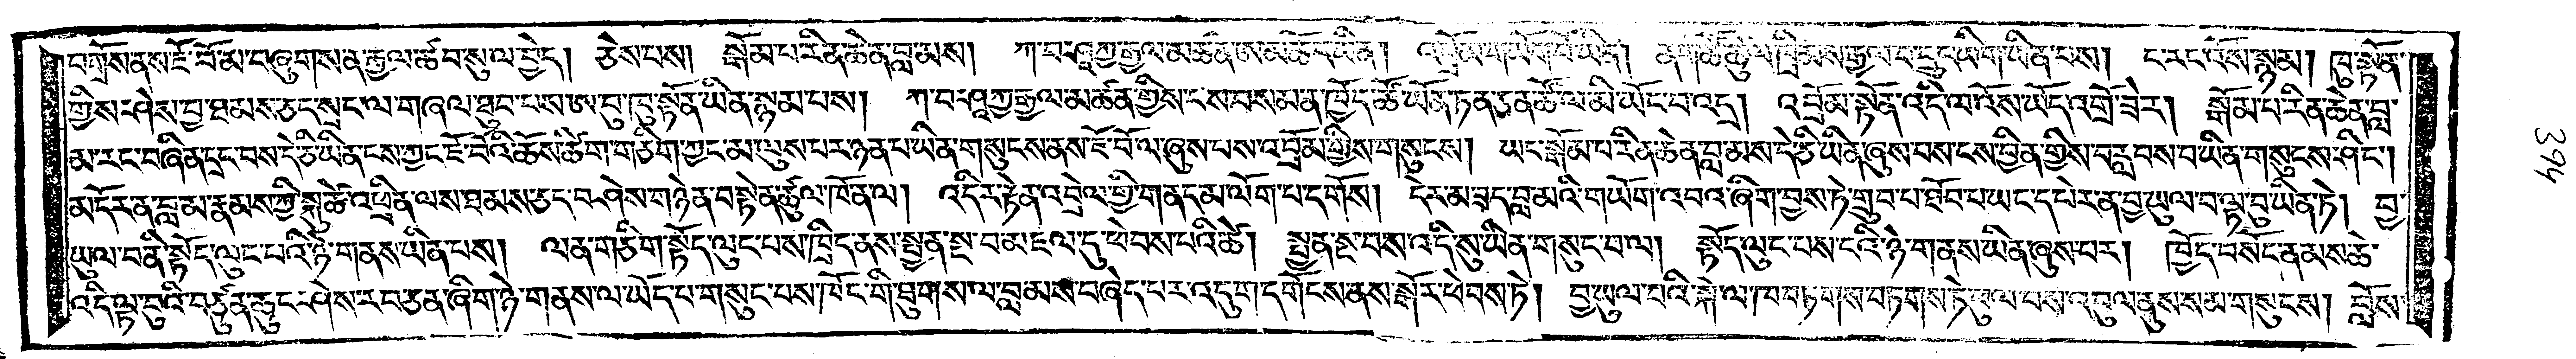བགྲོས་ནས་ཇོ་བོ་མ་བཞུགས་ན་རྒྱལ་ཚབ་སུལ་བྱེད། ཅེས་པས། སྒོམ་པ་རིན་ཆེན་བླ་མས། ཀ་བ་ཤཱཀྱ་རྒྱལ་མཚན་ཨ་མཆོད་ཡིན། འབྲོམ་གཡོག་པོ་ཡིན། ནག་ཚོ་ཚུལ་ཁྲིམས་རྒྱལ་བ་དྲུང་ཡིག་ཡིན་པས། ང་རང་འོས་སྙམ། ཁུ་སྟོན་
གྱིས་ཤེས་བྱ་ཐམས་ཅད་སྲང་ལ་གཞལ་ཐུབ་པས་ཨ་བུ་ཁུ་སྟོན་ཡིན་སྙམ་པས། ཀ་བ་ཤཱཀྱ་རྒྱལ་མཚན་གྱི་སངས་བསམ་ན་ཁྱོད་ཚོ་ཡོན་ཏན་ཅན་ཚོལ་མི་ཡོང་བ་འདྲ། འབྲོམ་སྟོན་འདི་ལ་འོས་ཡོད་འགྲོ་ཟེར། སྒོམ་པ་རིན་ཆེན་བླ་
མ་རང་བཞིན་དྲང་བས་དེ་ཅི་ཡིན་པས་ཀྱང་ཇོ་བོའི་ཆོས་ཚིག་གཅིག་ཀྱང་མ་ལུས་པར་ཉན་པ་ཡིན་གསུངས་ནས་ཇོ་བོ་ལ་ཞུས་པས་འབྲོམ་གྱིས་གསུངས། ཡང་སྒོམ་པ་རིན་ཆེན་བླ་མས་དེ་ཅི་ཡིན་ཞུས་བསངས་བྱིན་གྱིས་བརླབས་བ་ཡིན་གསུངས་ཤིང་།
མདོར་ན་བླ་མ་རྣམས་ཀྱི་སྐུ་ཚེ་འཕྲིན་ལས་ཐམ་ཅད་བཤེས་གཉེན་བསྟེན་ཚུལ་ཁོ་ན་ལ། འདིར་རྟེན་འབྲེལ་གྱི་གནད་མ་ལོག་པ་དགོས། དེར་མ་ཟད་བླ་མའི་གཡོག་འབའ་ཞིག་བྱས་ཏེ་གྲུབ་པ་ཐོབ་པ་ཡང་དཔེར་ན་བྱ་ཡུལ་བལྟ་བུ་ཡིན་ཏེ། བྱ་
ཡུལ་བ་ནི་སྟོད་ལུང་པའི་ཉེ་གནས་ཡིན་པས། ལན་གཅིག་སྟོད་ལུང་པས་ཁྲིད་ནས་སྤྱན་སྔ་བ་མཇལ་དུ་ཕེབས་པའི་ཚེ། སྤྱན་སྔ་བས་འདི་སུ་ཡིན་གསུང་བ་ལ། སྟོད་ལུང་པས་ངའི་ཉེ་གནས་ཡིན་ཞུས་པར། ཁྱོད་བསོད་ནམས་ཆེ་
འདི་ལྟ་བུའི་བཙུན་ཆུང་ཤེས་རབ་ཅན་ཞིག་ཉེ་གནས་ལ་ཡོད་པ་གསུང་པས་ཁོང་གི་ཐུགས་ལ་བླ་མས་བཞེད་པར་འདུག་དགོངས་ནས་སྒོར་ཕེབས་ཏེ། བྱ་ཡུལ་བའི་སྐེལ་ཁ་བཏགས་བཏགས་ཏེ་ཕུལ་བས་འབུལ་ནུས་སམ་གསུངས། བློས་